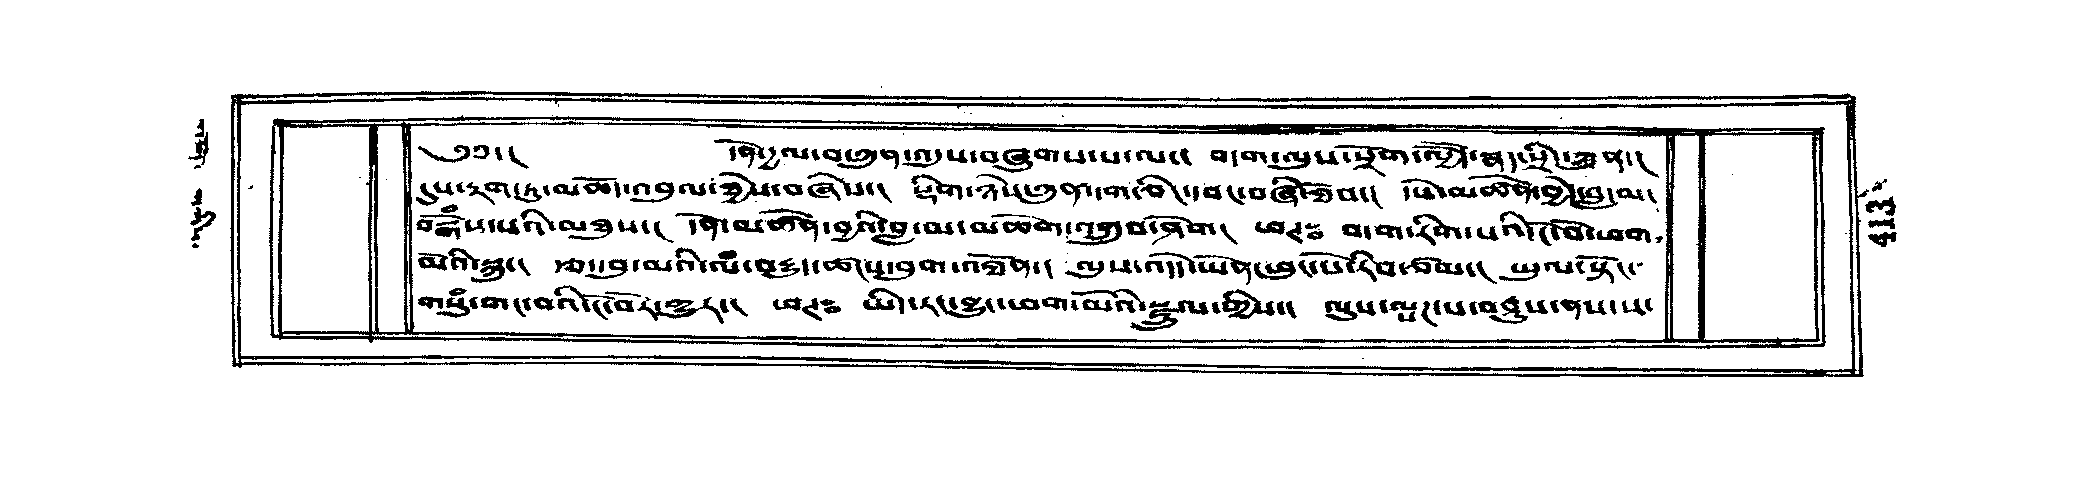དོན་རྒྱལ་བ་ཀུན་འདུས་བཞུགས་པ་ལ། །བདག་ལུས་སྲོག་ལོངས་སྤྱོད་སྣང་སྲིད་ཀུན། །
དུས་རྟག་ཏུ་མཆོད་འབུལ་ཐུགས་རྩེས་བཞེས། །སྡིག་ཉེས་ཀུན་དག་ཅིང་དབང་བཞི་ཐོབ། །དཔེ་མཚོན་བྱེད་བླ་མ་
བསྒོམས་པའི་མཐུས། །དོན་མཚོན་བྱའི་བླ་མ་མཆོག་འགྲུབ་ཤོག་།ཕཊཿ བདག་རིག་པའི་ངོ་བོ་ཕག་
མོའི་སྐུ། །རྩ་དབུ་མའི་ལམ་བརྒྱུད་ཚངས་བུག་འཐོན། །ལུས་འདོད་ཡོན་ཕུང་པོ་རི་རབ་ཙམ། །ཡུལ་སྟོང་
གསུམ་ལགང་བའི་ངོ་བོར་གྱུར། །ཕཊཿ ཡིད་རང་བྱུང་ཕག་མོའི་རྫུ་འཕྲུལ་གྱིས། །ལུས་ལྤགས་པ་བཤུས་ནས་ས་